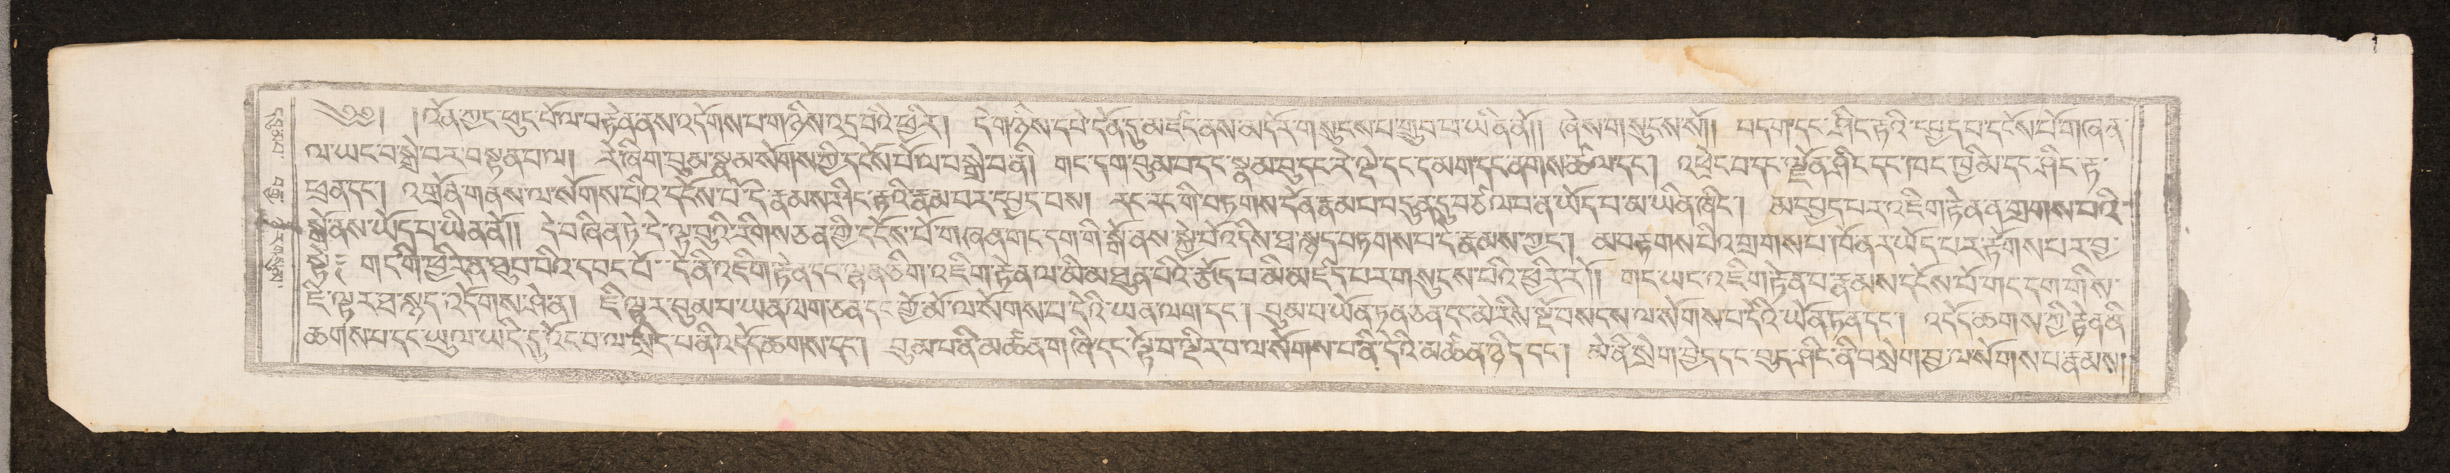༄༅། །འོན་ཀྱང་ཕུང་པོ་ལ་བརྟེན་ནས་འདོགས་པ་གཉིས་འདྲ་བའི་ཕྱིར། དེ་གཉིས་དཔེ་དོན་དུ་མཛད་ནས་མདོར་གསུངས་པ་གྲུབ་པ་ཡིན་ནོ།། ཞེས་གསུངས་སོ།། བདག་དང་ཤིང་རྟའི་དཔྱད་པ་དངོས་པོ་གཞན་
ལ་ཡང་བ་སྒྲེ་བར་བསྟན་པ་ལ། རེ་ཞིག་བུམ་སྣམ་སོགས་ཀྱི་དངོས་པོ་ལ་བསྒྲེ་བ་ནི། གང་དག་བུམ་པ་དང་སྣམ་བུ་དང་རེ་ལྡེ་དང་དམག་དང་ནགས་ཚལ་དང་། འཕྲེང་བ་དང་ལྗོང་ཤིང་དང་ཁང་ཁྱིམ་དང་ཤིང་རྟ་
ཕྲན་དང་། འགྲོན་གནས་ལ་སོགས་པའི་དངོས་པོ་དེ་རྣམས་ཤིང་རྟའི་རྣམ་པར་དཔྱད་པས། རང་རང་གི་བཏགས་དོན་རྣམ་པ་བདུན་དུ་བཙལ་བ་ན་ཡོད་པ་མ་ཡིན་ཞིང་། མང་དཔྱད་པར་འཇིག་རྟེན་ན་གྲགས་པའི་
སྒོ་ནས་ཡོད་པ་ཡིན་ནོ།། དེ་བཞིན་ཏེ་དེ་ལྟ་བུའི་རིགས་ཅན་གྱི་དངོས་པོ་གཞན་གང་དག་གི་སྒོ་ནས་སྐྱེ་པོ་འདིས་ཐ་སྙད་བཏགས་པ་དེ་རྣམས་ཀྱང་། མ་བརྟགས་པའི་གྲགས་པ་ཁོ་ནར་ཡོད་པར་རྟོགས་པར་བྱ་
སྟེ༑ གང་གི་ཕྱིར་ན་ཐུབ་པའི་དབང་པོ་དེ་ནི་འཇིག་རྟེན་དང་ལྷན་ཅིག་འཇིག་རྟེན་ལ་མི་མཐུན་པའི་རྩོད་པ་མི་མཛད་པར་གསུངས་པའི་ཕྱིར་རོ།། གང་ཡང་འཇིག་རྟེན་པ་རྣམས་དངོས་པོ་གང་དག་གིས་
ཇི་ལྟར་ཐ་སྙད་འདོགས་ཤེ་ན། ཇི་ལྟར་བུམ་པ་ཡན་ལག་ཅན་དང་གྱོ་མི་ལ་སོགས་པ་དེའི་ཡན་ལག་དང་། བུམ་པ་ཡོན་ཏན་ཅན་དང་མེ་རིས་སྔོ་བསངས་ལ་སོགས་པ་དེའི་ཡོན་ཏན་དང་། འདོད་ཆགས་ཀྱི་རྟེན་ནི་
ཆགས་པ་དང་ཡུལ་ཡིད་དུ་འོང་བ་ལ་སྲེད་པ་ནི་འདོད་ཆགས་དང་། བུམ་པ་ནི་མཚན་གཞི་དང་ལྟོ་བ་ལྡིར་བ་ལ་སོགས་པ་ནི་དེའི་མཚན་ཉིད་དང་། མེ་ནི་སྲེག་བྱེད་དང་བུད་ཤིང་ནི་བསྲེག་བྱ་ལ་སོགས་པ་རྣམས།།